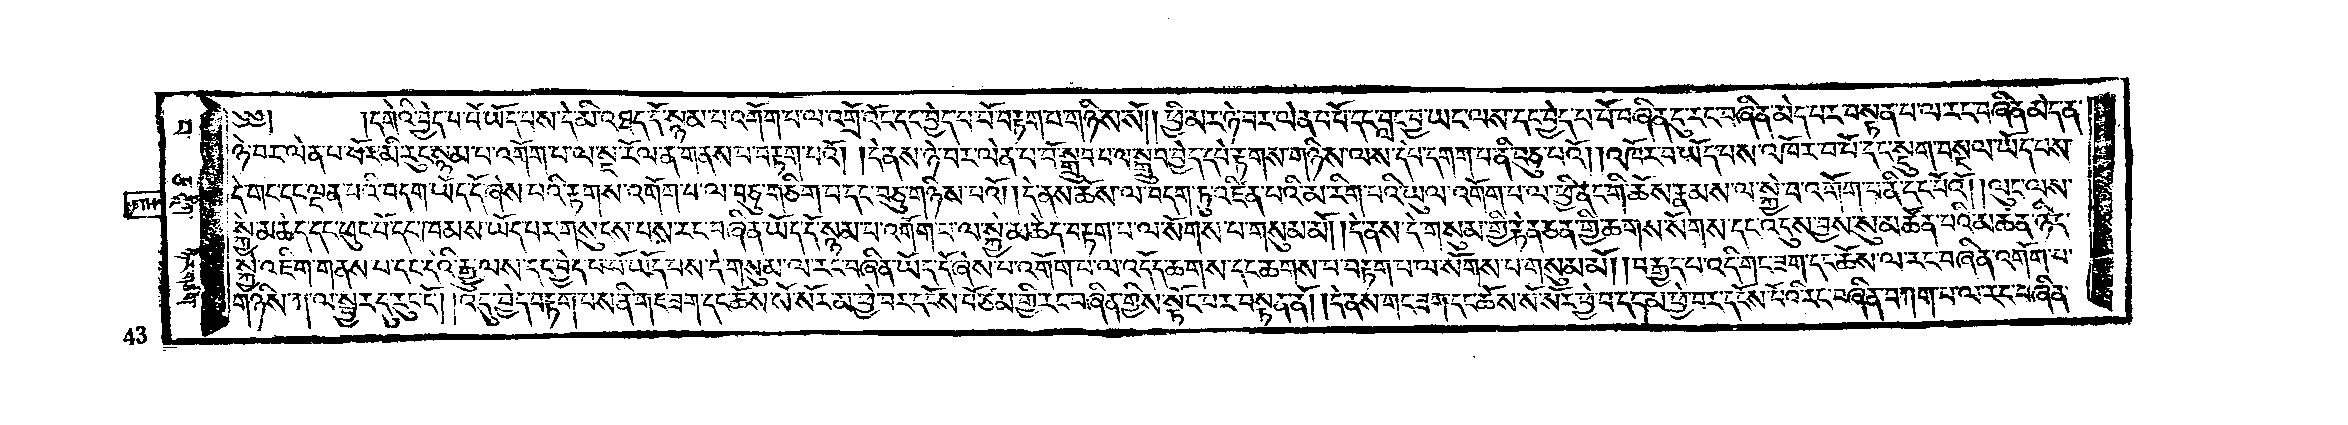༄༅། །དགེའི་བྱེད་པ་པོ་ཡོད་པས་དེ་མི་འཐད་དོ་སྙམ་པ་འགོག་པ་ལ་འགྲོ་འོང་དང་བྱེད་པ་པོ་བརྟག་པ་གཉིས་སོ། །ཕྱི་མར་ཉེ་བར་ལེན་པ་པོ་དང་བླང་བྱ་ཡང་ལས་དང་བྱེད་པ་པོ་བཞིན་དུ་རང་བཞིན་མེད་པར་བསྟན་པ་ལ་རང་བཞིན་མེད་ན་
ཉེ་བར་ལེན་པ་པོར་མི་རུང་སྙམ་པ་འགོག་པ་ལ་སྔ་རོལ་ན་གནས་པ་བརྟག་པའོ། །དེ་ནས་ཉེ་བར་ལེན་པ་པོ་སྒྲུབ་པ་ལ་སྒྲུབ་བྱེད་དཔེ་རྟགས་གཉིས་ལས་དཔེ་དགག་པ་ནི་བཅུ་པའོ། །འཁོར་བ་ཡོད་པས་འཁོར་བ་པོ་དང་སྡུག་བསྔལ་ཡོད་པས་
དེ་གང་དང་ལྡན་པའི་བདག་ཡོད་དོ་ཞེས་པའི་རྟགས་འགོག་པ་ལ་བཅུ་གཅིག་པ་དང་བཅུ་གཉིས་པའོ། །དེ་ནས་ཆོས་ལ་བདག་ཏུ་འཛིན་པའི་མ་རིག་པའི་ཡུལ་འགོག་པ་ལ་ཕྱི་ནང་གི་ཆོས་རྣམས་ལ་སྐྱེ་བ་འགོག་པ་ནི་དང་པོའོ། །ལུང་ལས་
སྐྱེ་མཆེད་དང་ཕུང་པོ་དང་ཁམས་ཡོད་པར་གསུངས་པས་རང་བཞིན་ཡོད་དོ་སྙམ་པ་འགོག་པ་ལ་སྐྱེ་མཆེད་བརྟག་པ་ལ་སོགས་པ་གསུམ་མོ། །དེ་ནས་དེ་གསུམ་གྱི་རྟེན་ཅན་གྱི་ཆགས་སོགས་དང་འདུས་བྱས་སུ་མཚོན་པའི་མཚན་ཉིད་
སྐྱེ་འཇིག་གནས་པ་དང་དེའི་རྒྱུ་ལས་དང་བྱེད་པ་པོ་ཡོད་པས་དེ་གསུམ་ལ་རང་བཞིན་ཡོད་དོ་ཞེས་པ་འགོག་པ་ལ་འདོད་ཆགས་དང་ཆགས་པ་བརྟག་པ་ལ་སོགས་པ་གསུམ་མོ། །བརྒྱད་པ་འདི་གང་ཟག་དང་ཆོས་ལ་རང་བཞིན་འགོག་པ་
གཉིས་ཀ་ལ་སྦྱར་དུ་རུང་ངོ། །འདུ་བྱེད་བརྟག་པས་ནི་གང་ཟག་དང་ཆོས་སོ་སོར་མ་ཕྱེ་བར་དངོས་པོ་ཙམ་གྱི་རང་བཞིན་གྱིས་སྟོང་པར་བསྟན་ནོ། །དེ་ནས་གང་ཟག་དང་ཆོས་སོ་སོར་ཕྱེ་བ་དང་མ་ཕྱེ་བར་དངོས་པོའི་རང་བཞིན་བཀག་པ་ལ་རང་བཞིན་